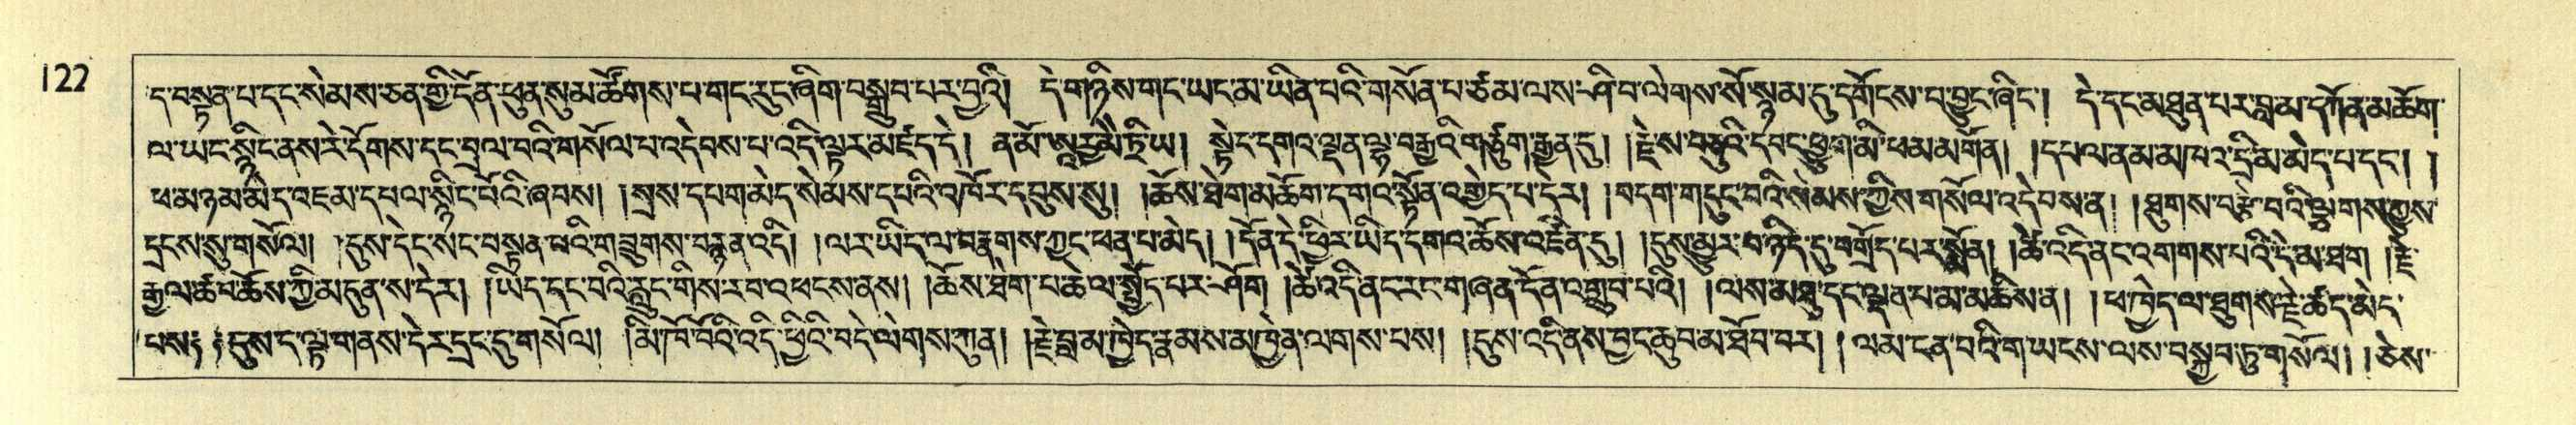ད་བསྟན་པ་དང་སེམས་ཅན་གྱི་དོན་ཕུན་སུམ་ཚོགས་པ་གང་རུང་ཞིག་བསྒྲུབ་པར་བྱའི། དེ་གཉིས་གང་ཡང་མ་ཡིན་པའི་གསོན་པ་ཙམ་ལས་ཤི་བ་ལེགས་སོ་སྙམ་དུ་དགོངས་པ་བྱུང་ཞིང་། དེ་དང་མཐུན་པར་བླ་མ་དཀོན་མཆོག་
ལ་ཡང་སྙིང་ནས་རེ་དོགས་དང་བྲལ་བའི་གསོལ་པ་འདེབས་པ་འདི་ལྟར་མཛད་དེ། ན་མོ་ཨཱརྱ་མཻ་ཏྲི་ཡ། སྟེང་དགའ་ལྡན་ལྷ་བརྒྱའི་གཙུག་རྒྱན་དུ། །རྗེ་ས་བཅུའི་དབང་ཕྱུག་མི་ཕམ་མགོན། །དཔལ་ནམ་མཁའ་དྲི་མ་མེད་པ་དང་། །
ཕ་མཉམ་མེད་འཇམ་དཔལ་སྙིང་པོའི་ཞབས། །སྲས་དཔག་མེད་སེམས་དཔའི་འཁོར་དབུས་སུ། །ཆོས་ཐེག་མཆོག་དགའ་སྟོན་འགྱེད་པ་དེར། །བདག་གདུང་བའི་སེམས་ཀྱིས་གསོལ་འདེབས་ན། །ཐུགས་བརྩེ་བའི་ལྕགས་ཀྱུས་
དྲངས་སུ་གསོལ། །དུས་དེང་སང་བསྟན་པའི་གཟུགས་བརྙན་འདི། །ལར་ཡིད་ལ་བརྣགས་ཀྱང་ཕན་པ་མེད། །དོན་དེ་ཕྱིར་ཡིད་དགའ་ཆོས་འཛིན་དུ། །དུས་མྱུར་བ་ཉིད་དུ་བགྲོད་པར་སྨོན། །ཚེ་འདི་ནང་འགགས་པའི་དེ་མ་ཐག །རྗེ་
རྒྱལ་ཚབ་ཆོས་ཀྱི་མདུན་ས་དེར། །ཡིད་དང་བའི་རླུང་གིས་རབ་འཕངས་ནས། །ཆོས་ཐེག་པ་ཆེ་ལ་སྤྱོད་པར་ཤོག །ཚེ་འདི་ནང་རང་གཞན་དོན་འགྲུབ་པའི། །ལས་མཐུ་དང་ལྡན་པ་མ་མཆིས་ན། །ཕ་ཁྱེད་ལ་ཐུགས་རྗེ་ཚད་མེད་
པས༑ ༑དུས་ད་ལྟ་གནས་དེར་དྲང་དུ་གསོལ། །མི་ཁོ་བོའི་འདི་ཕྱིའི་བདེ་ལེགས་ཀུན། །རྗེ་བླ་མ་ཁྱེད་རྣམས་མཁྱེན་ལགས་པས། །དུས་འདི་ནས་བྱང་ཆུབ་མ་ཐོབ་བར། །ལམ་ངང་པའི་གཡངས་ལས་བསྐྱབ་ཏུ་གསོལ། །ཅེས་